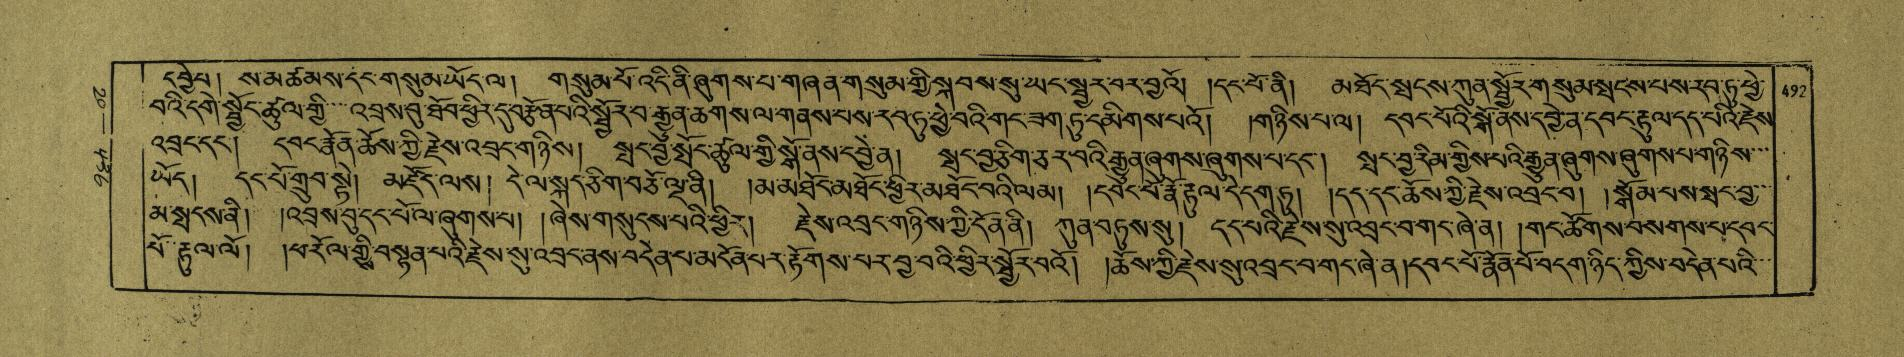དབྱེ་པ། ས་མཚམས་དང་གསུམ་ཡོད་ལ། གསུམ་པོ་འདི་ནི་ཞུགས་པ་གཞན་གསུམ་གྱི་སྐབས་སུ་ཡང་སྦྱར་བར་བྱའོ། །དང་པོ་ནི། མཐོང་སྤངས་ཀུན་སྦྱོར་གསུམ་སྤངས་པས་རབ་ཏུ་ཕྱེ་
བའི་དགེ་སྦྱོང་ཚུལ་གྱི་འབྲས་བུ་ཐོབ་ཕྱིར་དུ་བརྩོན་པའི་སྦྱོར་བ་རྒྱུན་ཆགས་ལ་གནས་པས་རབ་ཏུ་ཕྱེ་བའི་གང་ཟག་ཏུ་དམིགས་པའོ། །གཉིས་པ་ལ། དབང་པོའི་སྒོ་ནས་དབྱེ་ན་དབང་རྟུལ་དད་པའི་རྗེས་
འབྲང་དང་། དབང་རྣོན་ཆོས་ཀྱི་རྗེས་འབྲང་གཉིས། སྤང་བྱ་སྤོང་ཚུལ་གྱི་སྒོ་ནས་དབྱེ་ན། སྤང་བྱ་ཅིག་ཅར་བའི་རྒྱུན་ཞུགས་ཞུགས་པ་དང་། སྤང་བྱ་རིམ་གྱིས་པའི་རྒྱུན་ཞུགས་ཞུགས་པ་གཉིས་
ཡོད། དང་པོ་གྲུབ་སྟེ། མཛོད་ལས། དེ་ལ་སྐད་ཅིག་བཅོ་ལྔ་ནི། །མ་མཐོང་མཐོང་ཕྱིར་མཐོང་བའི་ལམ། །དབང་པོ་རྣོ་རྟུལ་དེ་དག་ཏུ། །དད་དང་ཆོས་ཀྱི་རྗེས་འབྲང་བ། །སྒོམ་པས་སྤང་བྱ་
མ་སྤངས་ནི། །འབྲས་བུ་དང་པོ་ལ་ཞུགས་པ། །ཞེས་གསུངས་པའི་ཕྱིར། རྗེས་འབྲང་གཉིས་ཀྱི་དོན་ནི། ཀུན་བཏུས་སུ། དད་པའི་རྗེས་སུ་འབྲང་བ་གང་ཞེ་ན། །གང་ཚོགས་བསགས་པ་དབང་
པོ་རྟུལ་ལོ། །ཕ་རོལ་གྱིས་བསྟན་པའི་རྗེས་སུ་འབྲང་ནས་བདེན་པ་མངོན་པར་རྟོགས་པར་བྱ་བའི་ཕྱིར་སྦྱོར་བའོ། །ཆོས་ཀྱི་རྗེས་སུ་འབྲང་བ་གང་ཞེ་ན་།དབང་པོ་རྣོན་པོ་བདག་ཉིད་ཀྱིས་བདེན་པའི་